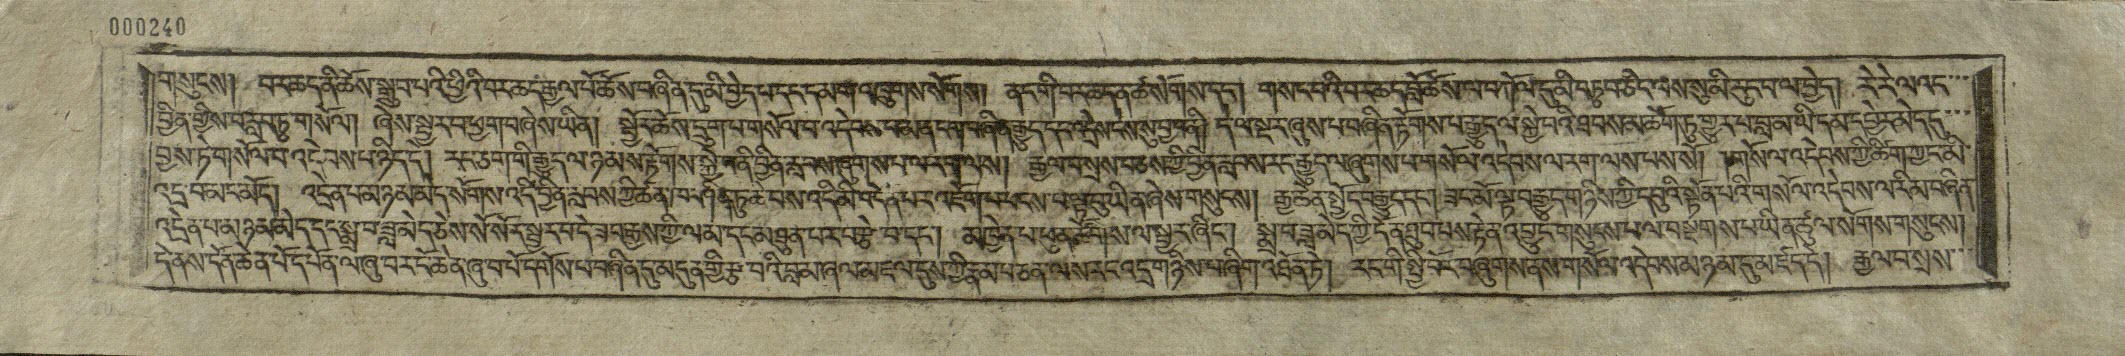གསུངས། བར་ཆད་ནི་ཆོས་སྒྲུབ་པའི་ཕྱིའི་བར་ཆད་རྒྱལ་པོ་ཆོས་བཞིན་དུ་མི་བྱེད་པ་དང་དམག་འཁྲུགས་སོགས། ནང་གི་བར་ཆད་ན་ཚ་སོགས་དང་། གསང་བའི་བར་ཆད་བློ་ཆོས་ལ་བཀོལ་དུ་མི་བཏུབ་ཅིང་ལས་སུ་མི་རུང་བ་ལ་བྱེད། རེ་རེ་ལའང་
བྱིན་གྱིས་བརླབ་ཏུ་གསོལ། ཞེས་སྦྱར་བ་ཕྱག་བཞེས་ཡིན། སྦྱོར་ཆོས་དྲུག་པ་གསོལ་བ་འདེབས་པ་མན་ངག་བཞིན་རྒྱུད་དང་འདྲེས་ངེས་སུ་བྱ་བ་ནི། དེ་ལ་སྔར་ཞུས་པ་བཞིན་རྟོགས་པ་རྒྱུད་ལ་སྐྱེ་བའི་ཐབས་མཆོག་ཏུ་གྱུར་པ་བླ་མ་ཡི་དམ་དབྱེར་མེད་དུ་
བྱས་ཏེ་གསོལ་བ་འདེབས་པ་ཉིད་དེ། རང་ཅག་གི་རྒྱུད་ལ་ཉམས་རྟོགས་སྐྱེ་བ་ནི་བྱིན་རླབས་ཞུགས་པ་ལ་རག་ལས། རྒྱལ་བ་སྲས་བཅས་ཀྱི་བྱིན་རླབས་རང་རྒྱུད་ལ་ཞུགས་པ་གསོལ་འདེབས་ལ་རག་ལས་པས་སོ། །གསོལ་འདེབས་ཀྱི་ཚིག་ཀྱང་མི་
འདྲ་བ་མང་མོད། འདྲེན་པ་མཉམ་མེད་སོགས་འདི་བྱིན་རླབས་ཀྱི་ཚན་ཁ་ཤིན་ཏུ་ཆེ་བས་འདི་མི་འདོན་པར་འཇོག་པ་ཕངས་པ་ལྟ་བུ་ཡིན་ཞེས་གསུངས། རྒྱ་ཆེན་སྤྱོད་བརྒྱུད་དང་། ཟང་མོ་ལྟ་བརྒྱུད་གཉིས་ཀྱི་དབུའི་སྟོན་པའི་གསོལ་འདེབས་ལ་རིམ་བཞིན་
འདྲེན་པ་མཉམ་མེད་དང་སྨྲ་བ་ཟླ་མེད་ཅེས་སོ་སོར་སྦྱར་བ་དེ་ཟབ་རྒྱས་ཀྱི་ལམ་དང་མཐུན་པར་བརྩེ་བ་དང་། མཁྱེན་པ་ཕུན་ཚོགས་ལ་སྦྱར་ཞིང་། སྨྲ་བ་ཟླ་མེད་ཀྱི་དོན་ཐུབ་པས་རྟེན་འབྱུང་གསུངས་པ་ལ་བསྔགས་པ་ཡིན་ཚུལ་སོགས་གསུངས།
དེ་ནས་དོན་ཆེན་པོ་དཔོན་ལ་ཞུ་བར་ངོ་ཆེན་ཞུ་བ་པོ་དགོས་པ་བཞིན་དུ་མདུན་གྱི་རྩ་བའི་བླ་མ་ཞལ་མཇལ་དུས་ཀྱི་རྣམ་པ་ཅན་ལས་རང་འདྲ་གཉིས་པ་ཞིག་འཐོན་ཏེ། རང་གི་སྤྱི་བོར་བཞུགས་ནས་གསོལ་འདེབས་མཉམ་དུ་མཛད་དེ། རྒྱལ་བ་སྲས་